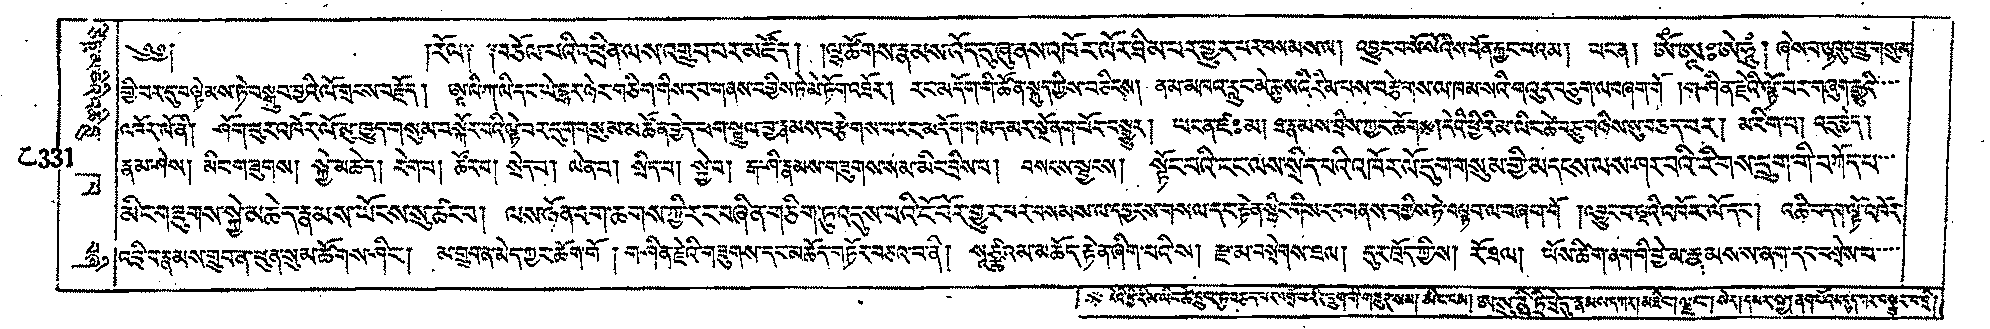༄༅། །རོལ༑ ༑བཅོལ་པའི་འཕྲིན་ལས་འགྲུབ་པར་མཛོད། །ལྷ་ཚོགས་རྣམས་འོད་དུ་ཞུ་ནས་འཁོར་ལོར་ཐིམ་པར་གྱུར་པར་བསམས་ལ། འབྱུང་བ་སོ་སོའི་ས་བོན་རྐྱང་པའམ། ཡང་ན།  ཨོཾ་ཨཱཿཨེ་ཧཱུཾ། ཞེས་པ་ལྟ་བུ་འབྲུ་གསུམ་
གྱི་བར་དུ་བལྟེམས་ཏེ་བསྒྲུབ་བྱའི་ལོ་གྲངས་བརྗོད། ཨཱ་ལི་ཀ་ལི་དང་ཡེ་དྷར་ཉེར་གཅིག་གིས་རབ་གནས་བགྱིས་ཏེ་མེ་ཏོག་འཐོར། རང་མདོག་གི་ཚོན་སྐུད་ཀྱིས་བཅིངས། ནམ་མཁའ་རླུང་མེ་ཆུ་སའི་རིམ་པས་བརྩེགས་ལ་ཁམ་སའི་གའུར་བཅུག་ལ་བཞག་གོ །གཤིན་རྗེའི་ལྟོ་བར་བཞུག་རྒྱུའི་་་
འཁོར་ལོ་ནི། ཤོག་བུར་འཁོར་ལོ་མུ་ཁྱུད་གསུམ་བསྐོར་བའི་ལྟེ་བར་དུག་གསུམ་མཚོན་བྱེད་ཕག་སྦྲུལ་བྱ་རྣམས་བརྩེགས་པ་རང་མདོག་གམ་དམར་སྔོ་ནག་པོར་བསྒྱུར། ཡང་ན་ཛཿམ། ཐ་རྣམས་བྲིས་ཀྱང་ཆོག་དེའི་ཕྱི་རིམ་ལིང་ཚེ་དྲུག་ཏུ་བཅད་པར། མ་རིག་པ། འདུ་བྱེད།
རྣམ་ཤེས། མིང་གཟུགས། སྐྱེ་མཆེད། རེག་པ། ཚོར་བ། སྲེད་པ། ལེན་པ། སྲིད་པ། སྐྱེ་བ། རྒ་ཤི་རྣམས་གཟུགས་སམ་མིང་བྲིས་པ། བསངས་སྦྱངས། སྟོང་པའི་ངང་ལས་སྲིད་པའི་འཁོར་ལོ་དུག་གསུམ་གྱི་མདངས་ལས་ཤར་བའི་རིགས་དྲུག་གི་བཀོད་པ་་་
མིང་གཟུགས་སྐྱེ་མཆེད་རྣམས་ཡོངས་སུ་ཚང་བ། ལས་ཉོན་བག་ཆགས་ཀྱི་རང་བཞིན་གཅིག་ཏུ་འདུས་པའི་ངོ་བོར་གྱུར་པར་བསམས་ལ་དབྱངས་གསལ་དང་རྟེན་སྙིང་གིས་རབ་གནས་བགྱིས་ཏེ་བལྟབ་ལ་བཞག་གོ །འབྱུང་བ་ལྔའི་འཁོར་ལོ་དང་། འཆི་བདག་ལྟོ་འཁོར་
འབྲི་བ་རྣམས་གྲུབ་ན་ཕུན་སུམ་ཚོགས་ཤིང་། མ་གྲུབ་ན་མེད་ཀྱང་ཆོག་གོ །གཤིན་རྗེའི་གཟུགས་དང་མཆོད་གཏོར་བཅའ་བ་ནི། སཱཙྪའམ་མཆོད་རྟེན་ཞིག་པའི་ས། རྫ་མ་བསྲེགས་ཐལ། དུར་ཁྲོད་ཀྱི་ས། རོ་ཐལ། ཡོས་ཚིག་ནག་གི་ཕྱེ་མ་རྣམས་ས་ནག་དང་བསྲེས་པ་་་